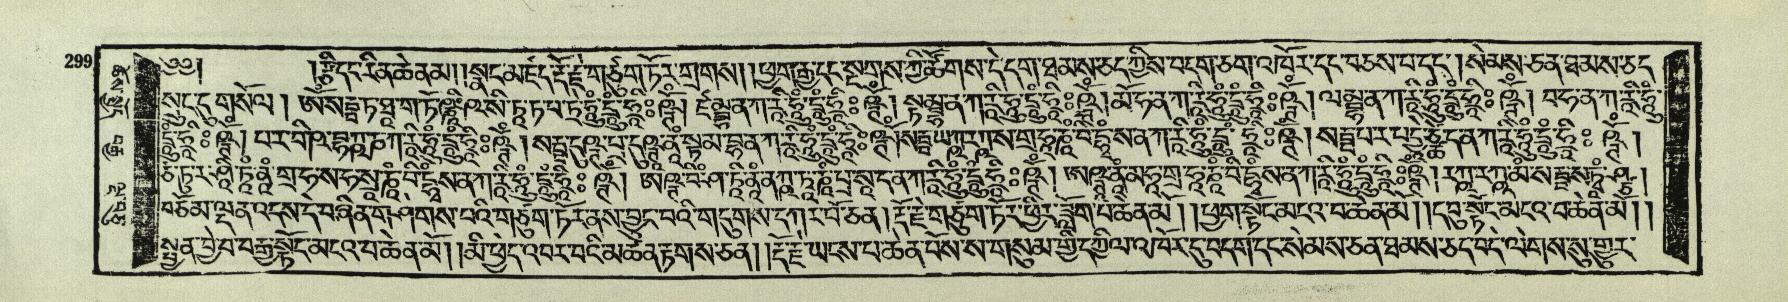༄༅། །རྩི་དང་རིན་ཆེན་མ། །སྣང་མཛད་རྡོ་རྗེ་གཙུག་ཏོར་གྲགས། །ཕྱག་རྒྱ་དང་སྔགས་ཀྱི་ཚོགས་དེ་དག་ཐམས་ཅད་ཀྱིས་བདག་ཅག་འཁོར་དང་བཅས་པ་དང་། སེམས་ཅན་ཐམས་ཅད་
སྲུང་དུ་གསོལ། ཨོཾ་སརྦྦ་ཏ་ཐཱ་ག་ཏོ་ཥྞཱི་ཥ་སི་ཏཱ་ཏ་པ་ཏྲེ་ཧཱུཾ་དྲཱུཾ་ཧྲཱིཿཥྚོཾ། ཛ་མྦྷ་ན་ཀ་རཱི་ཧཱུཾ་དྲཱུཾ་ཧྲཱིཿཥྚོཾ། སྟམྦྷ་ན་ཀ་རཱི་ཧཱུ་དྲཱུཾ་ཧྲཱིཿཥྚོཾ། མོ་ཧ་ན་ཀ་རཱི་ཧཱུཾ་དྲཱུཾ་ཧྲཱིཿཥྚོཾ། ལམྦྷ་ན་ཀ་རཱི་ཧཱུཾ་དྲཱུཾ་ཧྲཱིཿཥྚོཾ། བ་ཧ་ན་ཀ་རཱི་ཧཱུཾ་
དྲཱུཾ་ཧྲཱིཿཥྚོཾ། པ་ར་བི་ཥ་བྷཀྵཱ་ཎ་ཀ་རཱི་ཧཱུཾ་དྲཱུཾ་ཧྲཱིཿཥྚོཾ། སརྦྦ་དུཥྚ་པྲ་དུ་ཥྚཱ་ནཱཾ་སྟམ་བྷ་ན་ཀ་རཱི་ཧཱུཾ་དྲཱུཾ་ཧྲཱིཿཥྚོཾ།སརྦྦ་ཡཀྵ་རཀྵ་ས་གྲཧཱ་ཎཱཾ་བི་དྷྭཾ་ས་ན་ཀ་རཱི་ཧཱུཾ་དྲཱུཾ་ཧྲཱིཿཥྚོཾ། སརྦྦ་པ་ར་པདྱཱཨེ་ཙྪེ་ད་ན་ཀ་རཱི་ཧཱུཾ་དྲཱུཾ་ཧྲཱིཿཥྚོཾ།
ཙ་ཏུ་ར་ཤཱི་ཏཱཾ་ནཱཾ་གྲ་ཧ་ས་ཧ་སྲཱ་ཎཱཾ་བི་དྷྭཾས་ན་ཀ་རཱི་ཧཱུཾ་དྲཱུཾ་ཧྲཱིཿཥྚོཾ། ཨ་ཥྚ་བིཾ་ཤ་ཏཱི་ནཱཾ་ནཀྵ་ཏྭཱ་ཎཱཾ་པྲ་སཱ་ད་ན་ཀ་རཱི་ཧཱུཾ་དྲཱུཾ་ཧྲཱིཿཥྚོཾ། ཨཥྚཱ་ནཱཾ་མཧཱ་གྲ་ཧཱ་ཎཱཾ་བི་དྷྭཾ་ས་ན་ཀ་རཱི་ཧཱུཾ་དྲཱུཾ་ཧྲཱིཿཥྚོཾ། རཀྵ་རཀྵ་མཾ་སརྦྦ་སཏྭཱཾ་ཤྩ།
བཅོམ་ལྡན་འདས་དེ་བཞིན་གཤེགས་པའི་གཙུག་ཏོར་ནས་བྱུང་བའི་གདུགས་དཀར་པོ་ཅན། རྡོ་རྗེ་གཙུག་ཏོར་ཕྱིར་ཟློག་པ་ཆེན་མོ། །ཕྱག་སྟོང་མངའ་བ་ཆེན་མོ། །དབུ་སྟོང་མངའ་བ་ཆེན་མོ། །
སྤྱན་བྱེ་བ་བརྒྱ་སྟོང་མངའ་བ་ཆེན་མོ། །མི་ཕྱེད་འབར་བའི་མཚན་རྟགས་ཅན། །རྡོ་རྗེ་ཡངས་པ་ཆེན་པོས་ས་གསུམ་གྱི་དཀྱིལ་འཁོར་དུ་བདག་དང་སེམས་ཅན་ཐམས་ཅད་བདེ་ལེགས་སུ་གྱུར་